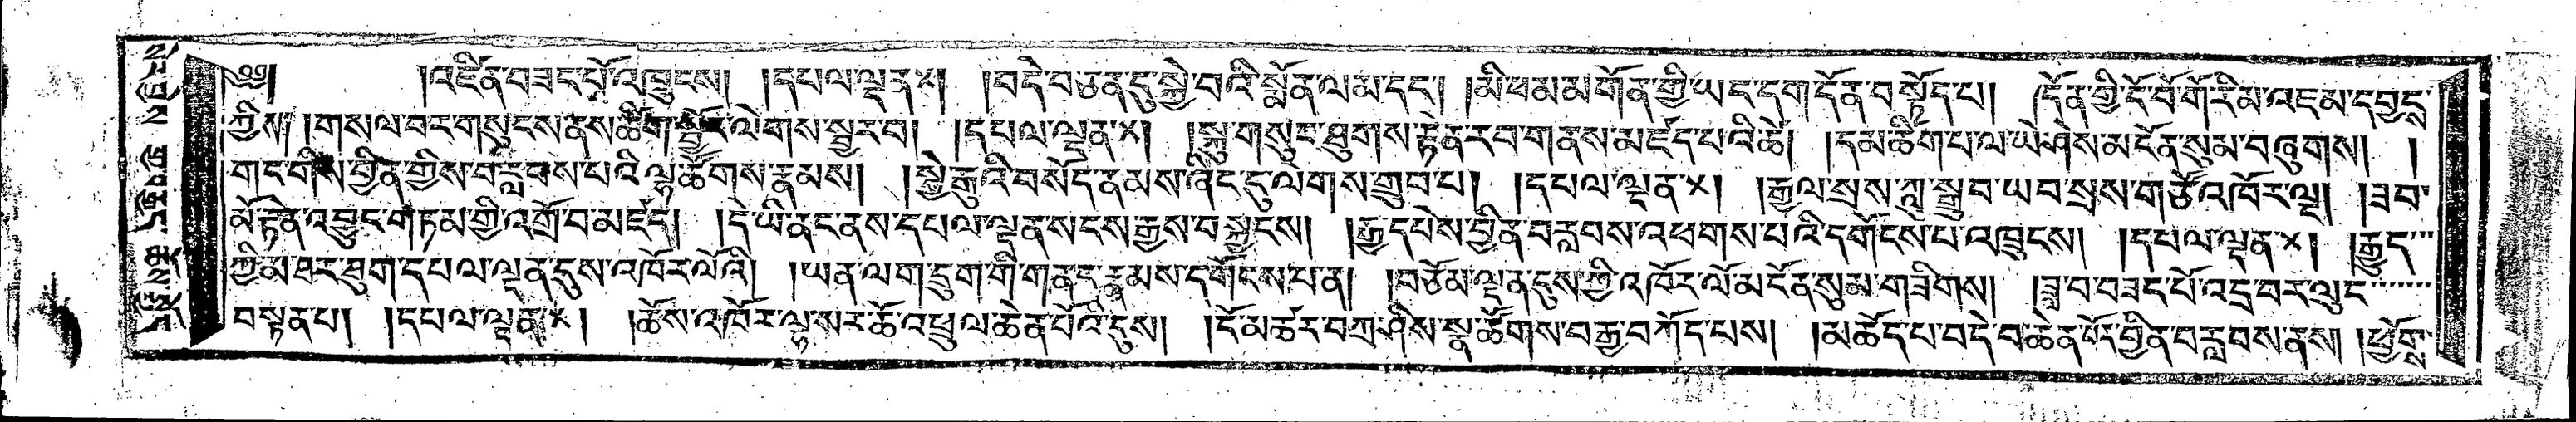༄༅། །འཛིན་བཟང་པོ་འཁྲུངས། །དཔལ་ལྡན་{྾}། །བདེ་བ་ཅན་དུ་སྐྱེ་བའི་སྨོན་ལམ་དང་། །མི་ཕམ་མགོན་གྱི་ཡང་དག་དོན་བསྟོད་པ། །དོན་གྱི་ངོ་བོ་གོ་རིམ་འཇམ་དབྱངས་
ཀྱིས། །གསལ་བར་གསུངས་ནས་ཚིག་སྦྱོར་ལེགས་སྦྱར་བ། །དཔལ་ལྡན་{྾}། །སྐུ་གསུང་ཐུགས་རྟེན་རབ་གནས་མཛད་པའི་ཚེ། །དམ་ཚིག་པ་ལ་ཡེ་ཤེས་མངོན་སུམ་བཞུགས། །
གང་གིས་བྱིན་གྱིས་བརླབས་པའི་ལྷ་ཚོགས་རྣམས། །སྐྱེ་རྒུའི་བསོད་ནམས་ཞིང་དུ་ལེགས་གྲུབ་པ། །དཔལ་ལྡན་{྾}། །རྒྱལ་སྲས་ཀླུ་སྒྲུབ་ཡབ་སྲས་གཙོ་འཁོར་ལྔ། །ཟབ་
མོ་རྟེན་འབྱུང་གཏམ་གྱི་འགྲོ་བ་མཛད། །དེ་ཡི་ནང་ནས་དཔལ་ལྡན་སངས་རྒྱས་བསྐྱངས། །རྒྱ་དཔེས་བྱིན་བརླབས་འཕགས་པའི་དགོངས་པ་འཁྲུངས། །དཔལ་ལྡན་{྾}། །རྒྱུད་
ཀྱི་མཐར་ཐུག་དཔལ་ལྡན་དུས་འཁོར་ལོའི། །ཡན་ལག་དྲུག་གི་གནད་རྣམས་དགོངས་པ་ན། །བཅོམ་ལྡན་དུས་ཀྱི་འཁོར་ལོ་མངོན་སུམ་གཟིགས། །ཟླ་བ་བཟང་པོ་འདྲ་བར་ལུང་
བསྟན་པ། །དཔལ་ལྡན་{྾}། །ཆོས་འཁོར་ལྷ་སར་ཆོ་འཕྲུལ་ཆེན་པོའི་དུས། །ངོ་མཚར་བཀྲ་ཤིས་སྣ་ཚོགས་བརྒྱ་བཀོད་པས། །མཆོད་པ་བདེ་བ་ཆེན་པོར་བྱིན་བརླབས་ནས། །ཕྱོགས་